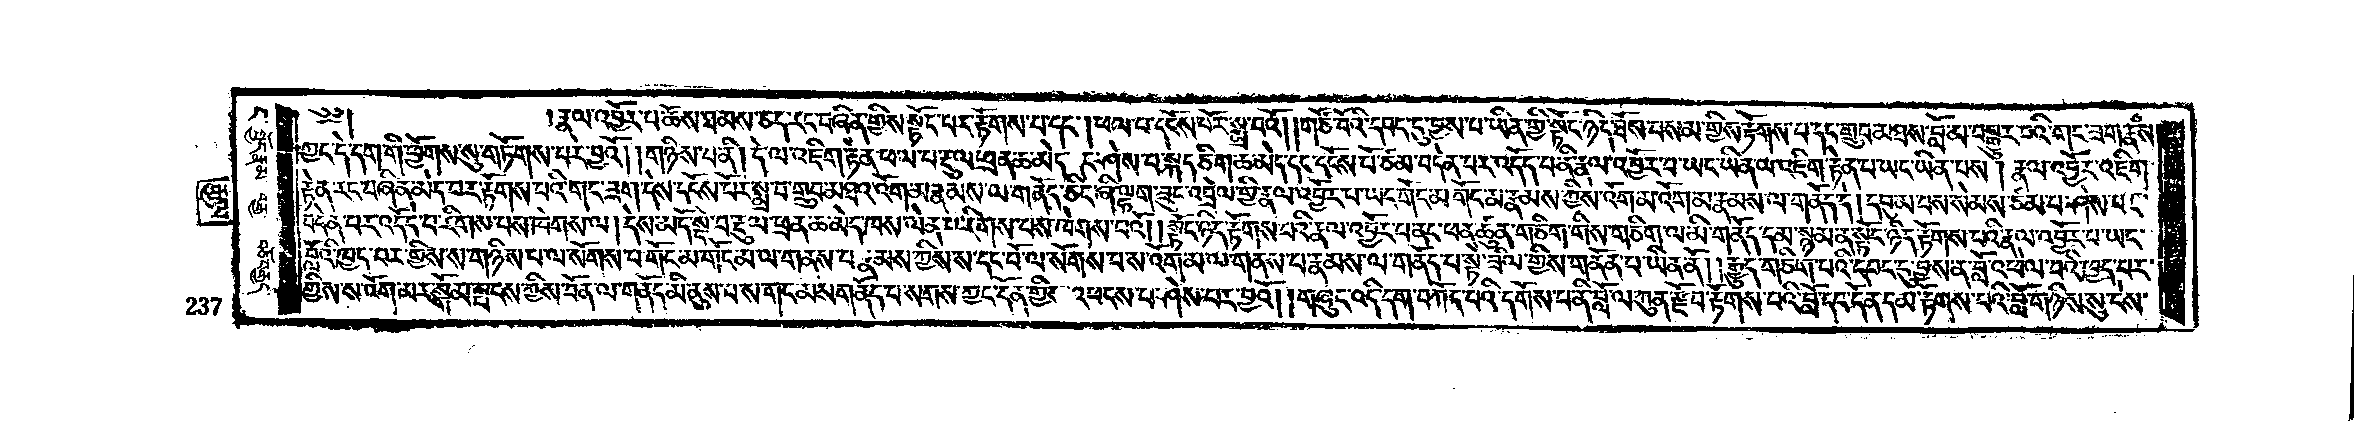༄༅། །རྣལ་འབྱོར་པ་ཆོས་ཐམས་ཅད་རང་བཞིན་གྱིས་སྟོང་པར་རྟོགས་པ་དང་། ཕལ་པ་དངོས་པོར་སྨྲ་བའོ། །གཙོ་བོའི་དབང་དུ་བྱས་པ་ཡིན་གྱི་སྟོང་ཉིད་ཐོས་བསམ་གྱིས་རྟོགས་པ་དང་གྲུབ་མཐས་བློ་མ་བསྒྱུར་བའི་གང་ཟག་རྣམས་
ཀྱང་དེ་དག་གི་ཕྱོགས་སུ་གཏོགས་པར་བྱའོ། །གཉིས་པ་ནི། དེ་ལ་འཇིག་རྟེན་ཕལ་བ་རྡུལ་ཕྲན་ཆ་མེད་དང་ཤེས་པ་སྐད་ཅིག་ཆ་མེད་དང་དངོས་པོ་ཙམ་བདེན་པར་འདོད་པ་ནི་རྣལ་འབྱོར་པ་ཡང་ཡིན་ལ་འཇིག་རྟེན་པ་ཡང་ཡིན་པས། རྣལ་འབྱོར་འཇིག་
རྟེན་རང་བཞིན་མེད་པར་རྟོགས་པའི་གང་ཟག་དེས་དངོས་པོར་སྨྲ་བ་གྲུབ་མཐའ་འོག་མ་རྣམས་ལ་གནོད་ཅིང་ཞི་ལྷག་ཟུང་འབྲེལ་གྱི་རྣལ་འབྱོར་པ་ཡང་གོང་མ་གོང་མ་རྣམས་ཀྱིས་འོག་མ་རྣམས་ལ་གནོད་དེ། དབུ་མ་པས་སེམས་ཙམ་པ་ཤེས་པར་
བདེན་པར་འདོད་པ་རིགས་པ་རིགས་པས་ཁེགས་ལ། དེས་མདོ་སྡེ་པ་རྡུལ་ཕྲན་ཆ་མེད་ཁས་ལེན་པ་རིགས་པས་ཁེགས་པའོ། །སྟོང་ཉིད་རྟོགས་པའི་རྣལ་འབྱོར་པ་ནང་ཕན་ཚུན་གཅིག་གིས་གཅིག་ལ་མི་གནོད་དམ་སྙམ་ན་སྟོང་ཉིད་རྟོགས་པའི་རྣལ་འབྱོར་པ་ཡང་
བློའི་ཁྱད་པར་གྱིས་ས་གཉིས་པ་ལ་སོགས་པ་གོང་མ་གོང་མ་ལ་གནས་པ་རྣམས་ཀྱིས་ས་དང་པོ་ལ་སོགས་པས་འོག་མ་ལ་གནས་པ་རྣམས་ལ་གནོད་པ་སྟེ་ཟིལ་གྱིས་གནོན་པ་ཡིན་ནོ། །རྒྱུད་གཅིག་པའི་དབང་དུ་བྱས་ན་བློ་འཕེལ་བའི་ཁྱད་པར་
གྱིས་ས་འོག་མར་སྒོམ་སྤངས་ཀྱི་ས་བོན་ལ་གནོད་མི་ནུས་པ་ས་གང་མས་གནོད་པ་སོགས་ཀྱང་དོན་གྱིས་འཕངས་པ་ཤེས་པར་བྱའོ། །གཟུང་འདི་དག་བཀོད་པའི་དགོས་པ་ནི་བློ་ལ་ཀུན་རྫོབ་རྟོགས་པའི་བློ་དང་དོན་དམ་རྟོགས་པའི་བློ་གཉིས་སུ་ངེས་